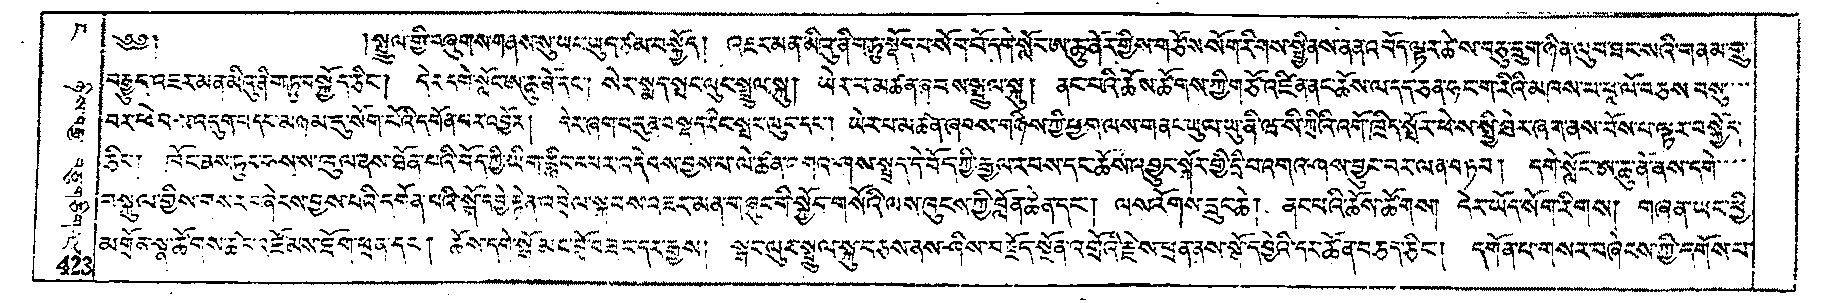༄༅། །སྤྲུལ་གྱི་བཞུགས་གནས་སུ་ཡང་ཡུད་ཙམ་བསྐྱོད། འཇར་མན་མིའུ་ནིག་ཏུ་སྡོད་པ་སོག་པོ་དགེ་སློང་ཨ་ཆུ་ནོར་གྱིས་གཙོས་སོག་རིགས་སྤྱི་ནས་ནན་འབོད་ལྟར་ཚེས་བཅུ་དྲུག་ཉིན་ལུབ་ཐང་སའི་གནམ་གྲུ་
བརྒྱུད་འཇར་མན་མིའུ་ནིག་ཏུ་བསྐྱོད་ཅིང་། དེར་དགེ་སློང་ཨ་ཆུ་ནོ་དང་། སེར་སྨད་སྤང་ལུང་སྤྲུལ་སྐུ། ཡེར་པ་མཚན་ཞབས་སྤྲུལ་སྐུ། ནང་པའི་ཆོས་ཚོགས་ཀྱི་གཙོ་འཛིན་ནང་ཆོས་ལ་དད་ཅན་ཧང་ག་རིའི་མཁས་པ་ཕཱ་ལོ་བཅས་བསུ་
བར་ཕེབས་འདུག་པ་དང་མཉམ་དུ་སོག་པོའི་དགོན་པར་འབྱོར། དེར་ཞག་བདུན་བསྡད་རིང་སྤང་ལུང་དང་། ཡེར་པ་མཚན་ཞབས་གཉིས་ཀྱི་ཕྱག་ལས་གནང་ཡུལ་ཡུ་ནི་ཝ་སི་ཀྲིའི་འགོ་ཁྲིད་སྤོར་ཕེ་ས་སྤྱི་ཐེར་ཞག་ནས་བོས་པ་ལྟར་བསྐྱོད་
ཅིང་། ཁོང་ནས་ཏུང་ཧས་ས་ཁུལ་ནས་ཐོན་པའི་བོད་ཀྱི་ཡིག་རྙིང་དཔར་འདེབས་བྱས་པ་ལེ་ཚན་འགའ་ཤས་སྤྲད་དེ་བོད་ཀྱི་རྒྱལ་རབས་དང་ཆོས་འབྱུང་སྐོར་གྱི་དྲི་བ་འགའ་ཤས་བྱུང་བར་ལན་བཏབ། དགེ་སློང་ཨ་ཆུ་ནོ་ནས་དགེ་
བསྐུལ་གྱིས་གསར་བཞེངས་བྱས་པའི་དགོན་པའི་སྒོ་དབྱེ་རྟེན་འབྲེལ་སྐབས་འཇར་མན་གཞུང་གི་སྐྱོབ་གསོའི་ལས་ཁུངས་ཀྱི་བློན་ཆེན་དང་། ལས་རོགས་དྲུང་ཆེ། ནང་པའི་ཆོས་ཚོགས། དེར་ཡོད་སོག་རིགས། གཞན་ཡང་ཕྱི་
མགྲོན་སྣ་ཚོགས་ཚང་འཛོམས་ཐོག་ཕྲན་དང་། ཆོས་དགེ་སྒོ་མང་བློ་བཟང་དར་རྒྱས། སྤང་ལུང་སྤྲུལ་སྐུ་བཅས་ནས་ཤིས་བརྗོད་སྔོན་འགྲོའི་རྗེས་ཕྲན་ནས་སྒོ་དབྱེའི་དར་ཚོན་བཅད་ཅིང་། དགོན་པ་གསར་བཞེངས་ཀྱི་དགོས་པ་